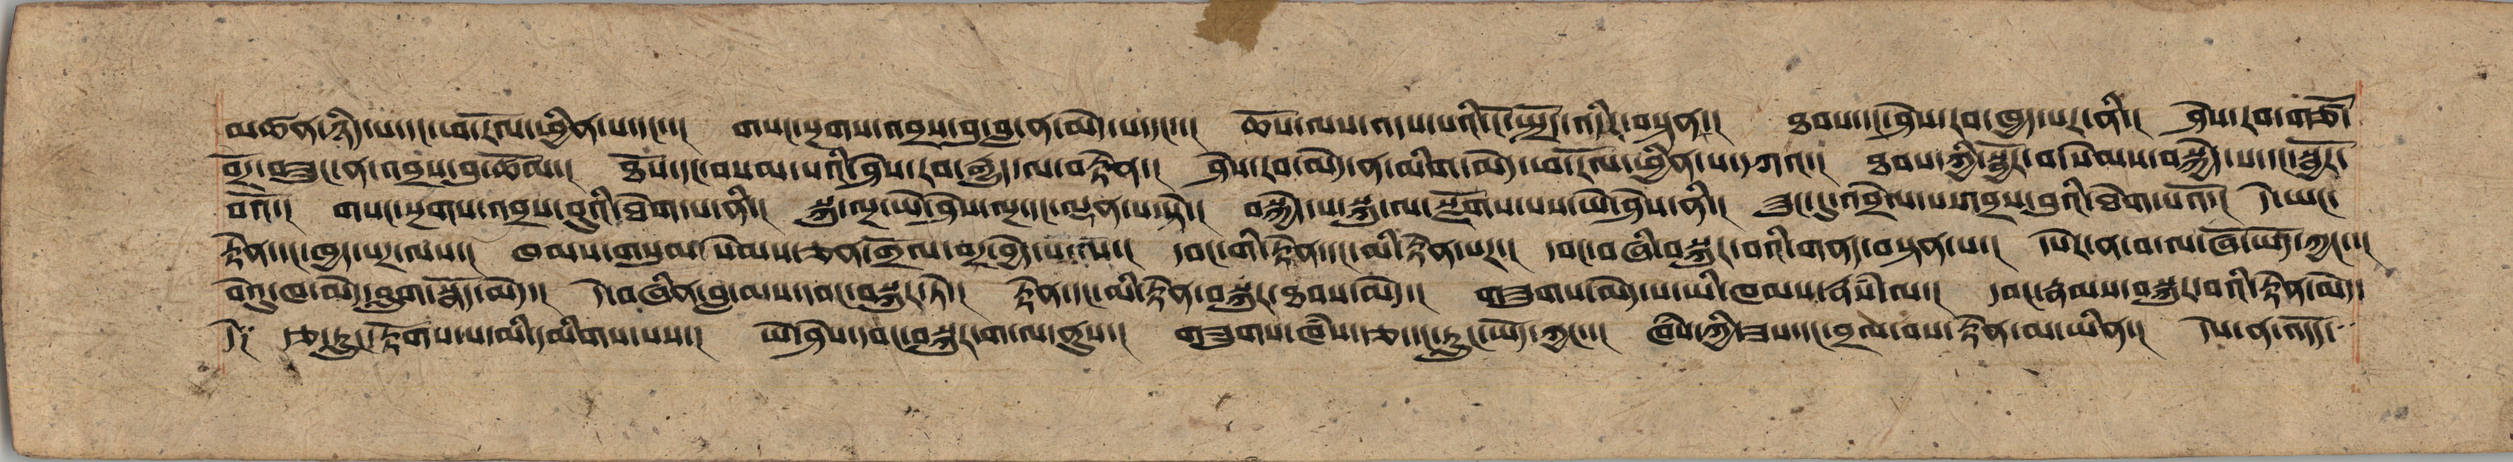མཚན་ཉིད་པ་དང་ཕ་རོལ་ཕྱིན་པ་དང་་། གསང་སྔགས་འབྲས་བུ་བླ་ན་མེད་པ་དང་། ཆོས་ལས་འདས་པའི་ངོ་སྤྲོད་འདིར་བསྟན་། ཐབས་དང་ཤེས་རབ་ཁྱད་པར་ནི་། ཤེས་རབ་གཙོ་
བོར་བཟུང་ན་འབྲས་བུ་ཚོལ་། ཐོས་དང་བསམ་པའི་ཤེས་རབ་རྒྱུད་ལ་བརྟེན་། ཤེས་རབ་མེད་ན་མིག་མེད་ཕ་རོལ་ཕྱིན་པ་དཀའ་། ཐབས་ཀྱི་སྦྱོར་བ་སེམས་བསྐྱེད་པ་དང་སྦྱོར་
བའོ་། གསང་སྔགས་འབྲས་བུའི་ཐེག་པ་ནི་། སྐུ་ལྔ་ཡེ་ཤེས་ལྔ་དང་ལྡན་པ་སྟེ་། བསྐྱེད་པ་སྐུ་ལ་སྫོགས་པས་ཡེ་ཤེས་ནི་། ཟུང་དུ་འབྲེལ་པ་འབྲས་བུའི་ཐེག་པའོ་། དེ་ཡང་
རྟེན་དང་ཁྱད་པར་ལས་། ཁམས་གསུམ་སེམས་ཅན་གྲོལ་བར་བྱེད་པ་ལ་། དབང་གི་རྟེན་དང་མི་རྟེན་པར་། དབང་བཞི་བསྐུར་བའི་གནད་བསྟན་པ་། དཔེར་ན་བ་ལ་ཞོ་ཡོད་ཀྱང་་།
བེའུ་ཁ་མེད་བླུག་སྣོད་མེད་། དེ་བཞིན་བླ་མས་དབང་བསྐུར་ཏེ་། རྟེན་དང་མི་རྟེན་བསྐུར་ཐབས་མེད་། གཟུགས་མེད་པ་ཡི་ཁམས་རྣཾས་ལ་། དབང་རྣམས་བསྐུར་བའི་རྟེན་མེད་
དེ༑ རྩ་རླུང་རྟོགས་པ་མི་དམིགས་པས་། ཡེ་ཤེས་དབང་བསྐུར་ག་ལ་ནུས་། གཟུགས་ཁཾས་རྩ་དང་རླུང་ཡོད་ཀྱང་་། ཁཾས་ཀྱི་ཟས་དང་བྲལ་བས་རྟེན་མ་ཡིན་། དེས་ན་འདཽད་